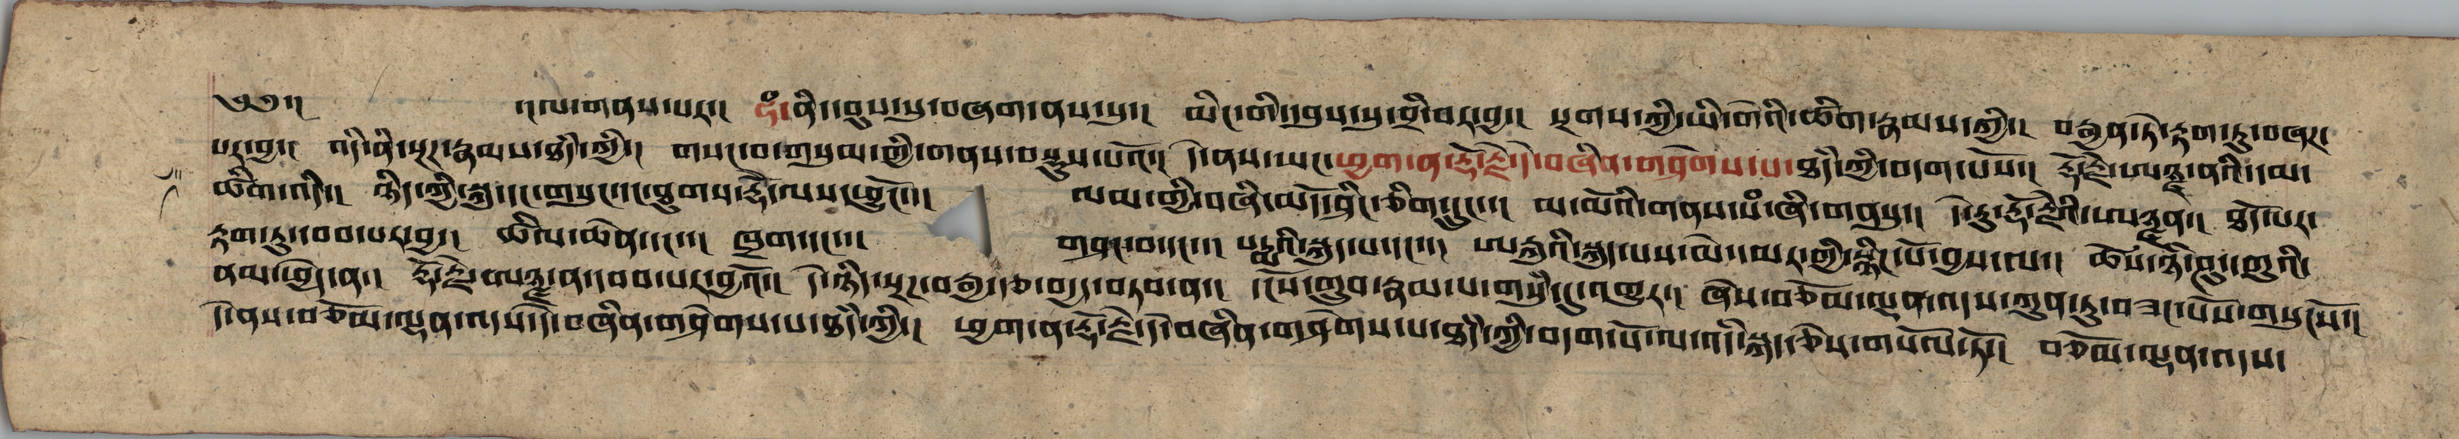༄༅་། ་།ལ་གནས་པར་། ཧཾ་ནི་དབུས་སུ་བཞག་ནས་སུ་། མིང་གི་དབུས་སུ་བྲི་བར་བྱ་། སྔགས་ཀྱི་ཡི་གེའི་ཚིག་རྣམས་ཀྱི་། བརྒྱན་ཏེ་རྟག་ཏུ་བཞཌ་
པར་བྱ་། འདི་ནི་སྔཌ་རྣམས་ཐཾད་ཀྱི་། གསང་བ་གསུམ་གྱི་གནས་བསྡུས་པའོ་། དེ་ནས་ཡང་ཕྱག་ན་རྡོ་རྗེ་དེ་བཞིན་གཤེགས་པ་ཐཾད་ཀྱི་བདག་པོས་། རྡོ་རྗེ་ཨཉྫ་ནའི་དམ་
ཚིག་འདི་། ཉིད་ཀྱི་སྐུ་དང་གསུང་དང་ཐུགས་རྡོེ་ལས་ཕྱུངོ་་། ལམ་གྱི་བཞི་མདོ་ཤིང་ཅིག་དྲུང་་། མ་མོའི་གནས་སཾ་ཞི་གནསུ་། དེ་རུ་རྡོ་རྗེའི་ཨཉྫན་། ཐོད་པར་
རྟག་ཏུ་དབབ་པར་བྱ་། ཚིལ་ཆེན་དང་་། ཁྲག་དང་་། གཤང་བ་དང་་། པདྨའི་སྐུད་པ་དང་་། ཨརྐུའི་སྐུད་པས་མེ་དམར་གྱི་སྙིང་པོ་བྱས་ལ་། ཚེས་ཉི་ཤུ་དགུའི་
ནམ་ཕྱེད་ན་། རྡོ་རྗེ་ཨཉྫ་ན་དབབ་པར་བྱའོ་། དེ་ཉིད་སྔཌ་བརྒྱ་རྩ་བདྱད་བཏབ་ན་། དངོས་གྲུབ་རྣམ་པ་གསུཾ་དུ་འགྱུར་། ཞེས་བཅོམ་ལྡན་འདས་ཀུན་ཏུ་བཟང་པོས་གསུངསོ་།
དེ་ནས་བཅོམ་ལྡན་འདས་དེ་བཞིན་གཤེགས་པ་ཐཾད་ཀྱི་། ཕྱག་ན་རྡོ་རྗེ་དེ་བཞིན་གཤེགས་པ་ཐཾད་ཀྱི་བདག་པོ་ལ་འདི་སྐད་ཅེས་གསོལ་ཏོ་། བཅོམ་ལྡན་འདས་